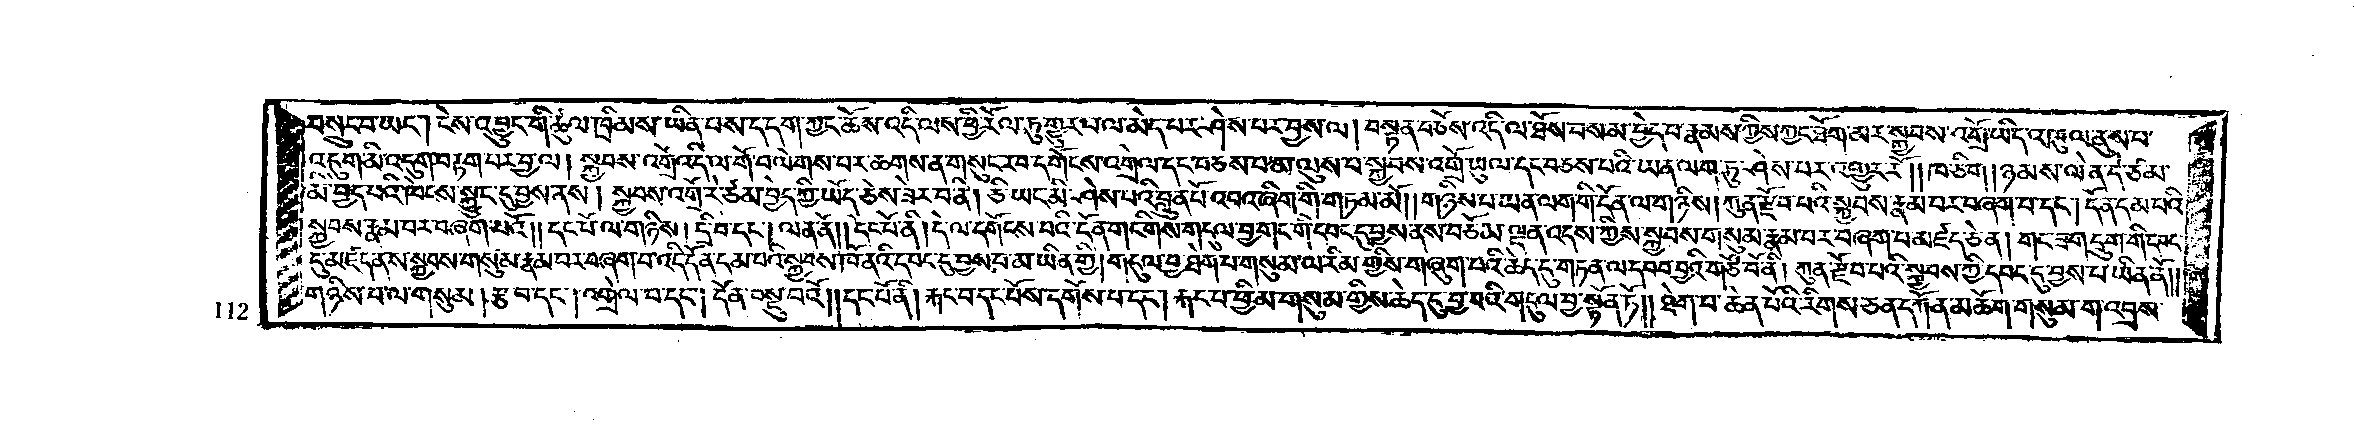བསྲུང་བ་ཡང་། ངེས་འབྱུང་གི་ཚུལ་ཁྲིམས་ཡིན་པས་དེ་དག་ཀྱང་ཆོས་འདི་ལས་ཕྱི་རོལ་ཏུ་གྱུར་པ་ལ་མེད་པར་ཤེས་པར་བྱས་ལ། བསྟན་བཅོས་འདི་ལ་ཐོས་བསམ་བྱེད་པ་རྣམས་ཀྱིས་ཀྱང་ཐོག་མར་སྐྱབས་འགྲོ་ཡིད་འཁུལ་ནུས་པ་
འདུག་མི་འདུག་བརྟག་པར་བྱ་ལ། སྐྱབས་འགྲོ་འདི་ལ་གོ་བ་ལེགས་པར་ཆགས་ན་གསུང་རབ་དགོངས་འགྲེལ་དང་བཅས་པ་མ་ལུས་པ་སྐྱབས་འགྲོ་ཡུལ་དང་བཅས་པའི་ཡན་ལག་ཏུ་ཤེས་པར་འགྱུར་རོ། །ཁ་ཅིག །ཉམས་ལེན་དེ་ཙམ་
མི་བྱེད་པའི་ཁེངས་སྐྱུང་དུ་བྱས་ནས། སྐྱབས་འགྲོ་རེ་ཙམ་བྱེད་ཀྱི་ཡོད་ཅེས་ཟེར་བ་ནི། ཅི་ཡང་མི་ཤེས་པའི་བླུན་པོ་འབའ་ཞིག་གི་གཏམ་མོ། །གཉིས་པ་ཡན་ལག་གི་དོན་ལ་གཉིས། ཀུན་རྫོབ་པའི་སྐྱབས་རྣམ་པར་བཞག་པ་དང་། དོན་དམ་པའི་
སྐྱབས་རྣམ་པར་བཞག་པའོ། །དང་པོ་ལ་གཉིས། དྲི་བ་དང་། ལན་ནོ། །དང་པོ་ནི། དེ་ལ་དགོངས་པའི་དོན་གང་གིས་གདུལ་བྱ་གང་གི་དབང་དུ་བྱས་ནས་བཅོམ་ལྡན་འདས་ཀྱིས་སྐྱབས་གསུམ་རྣམ་པར་བཞག་པ་མཛད་ཅེ་ན། གང་ཟག་དྲུག་གི་དབང་
དུ་མཛད་ནས་སྐྱབས་གསུམ་རྣམ་པར་བཞག་པ་འདི་དོན་དམ་པའི་སྐྱབས་ཁོ་ནའི་དབང་དུ་བྱས་པ་མ་ཡིན་གྱི་།གདུལ་བྱ་ཐེག་པ་གསུམ་ལ་རིམ་གྱིས་གཞུག་པའི་ཆེད་དུ་གཏན་ལ་དབབ་བྱའི་གཙོ་བོ་ནི། ཀུན་རྫོབ་པའི་སྐྱབས་ཀྱི་དབང་དུ་བྱས་པ་ཡིན་ནོ། །
གཉིས་པ་ལ་གསུམ། རྩ་བ་དང་། འགྲེལ་པ་དང་། དོན་བསྡུ་བའོ། །དང་པོ་ནི། རྐང་པ་དང་པོས་དགོས་པ་དང་། རྐང་པ་ཕྱི་མ་གསུམ་གྱིས་ཆེད་དུ་བྱ་བའི་གདུལ་བྱ་སྟོན་ཏོ། །ཐེག་པ་ཆེན་པོའི་རིགས་ཅན་དཀོན་མཆོག་གསུམ་ག་འབྲས་